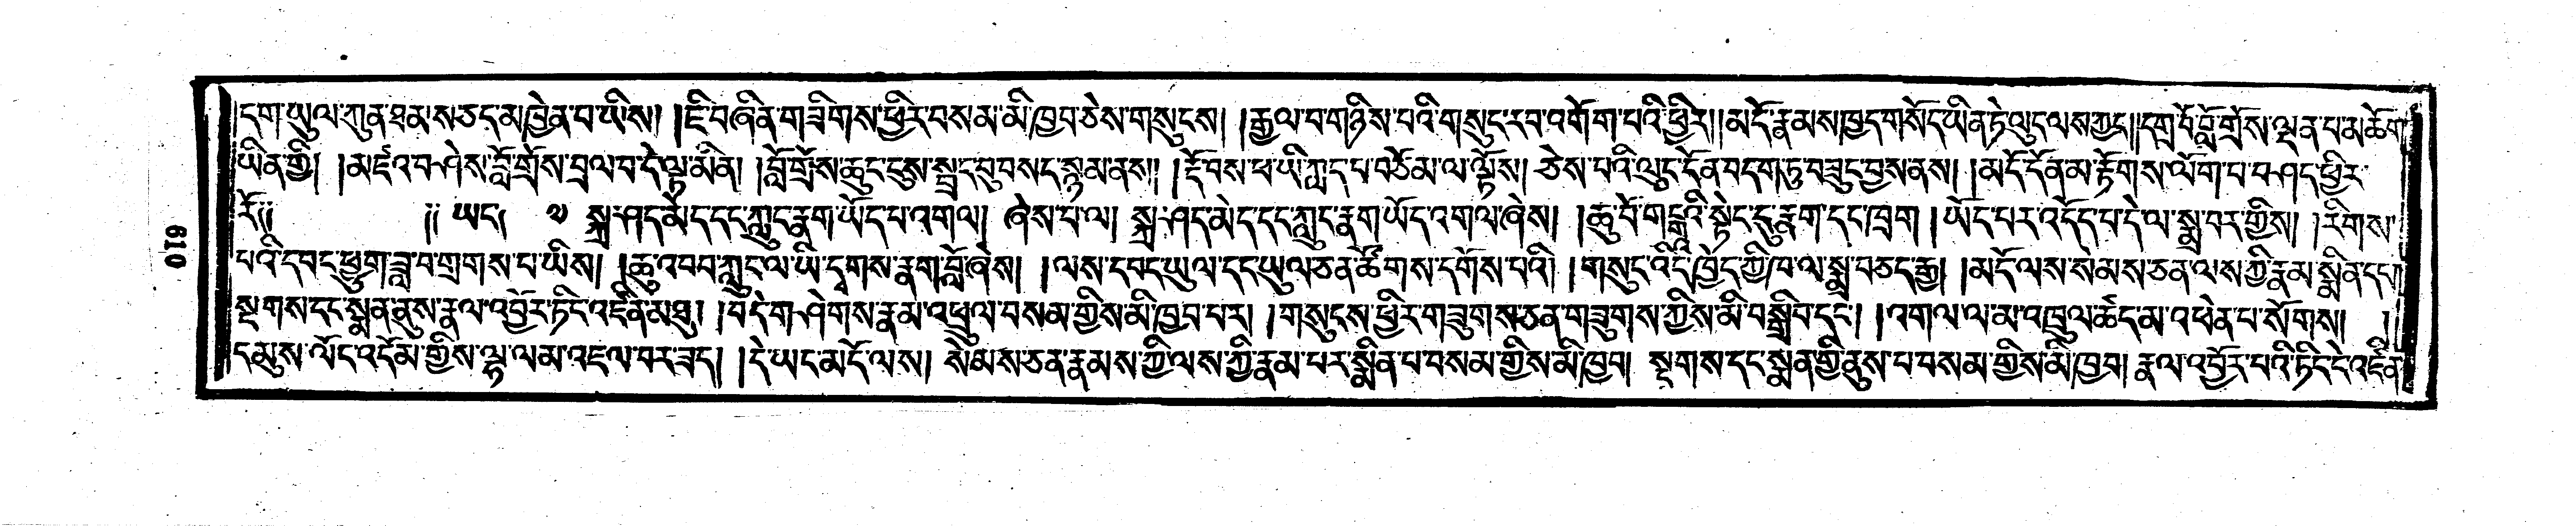དག་ཡུལ་ཀུན་ཐམས་ཅད་མཁྱེན་པ་ཡིས། །ཇི་བཞིན་གཟིགས་ཕྱིར་བསམ་མི་ཁྱབ་ཅེས་གསུངས། །རྒྱལ་བ་གཉིས་པའི་གསུང་རབ་འགོག་པའི་ཕྱིར། །མདོ་རྣམས་ཁྱད་གསོད་ཡིན་ཏེ་ལུང་ལས་ཀྱང་། །དགྲ་བོ་བློ་གྲོས་ལྡན་པ་མཆོག་
ཡིན་གྱི། །མཛའ་བཤེས་བློ་གྲོས་བྲལ་བ་དེ་ལྟ་མིན། །བློ་གྲོས་ཆུང་ངུས་སྦྲང་བུ་བསད་སྙམ་ནས། །རྡོ་བས་ཕ་ཡི་ཀླད་པ་བཅོམ་ལ་ལྟོས། ཅེས་པའི་ལུང་དོན་བདག་ཏུ་བཟུང་བྱས་ནས། །མདོ་དོན་མ་རྟོགས་ལོག་པ་བཤད་ཕྱིར་
རོ༑༑ ༑༑ཡང༑ ༧་སྐྲ་ཤད་མེད་དང་ཀླུང་རྣག་ཡོད་པ་འགལ། ཞེས་པ་ལ། སྐྲ་ཤད་མེད་དང་ཀླུང་རྣག་ཡོད་འགལ་ཞེས། །ཆུ་བོ་གངྒཱའི་སྟེང་དུ་རྣག་དང་ཁྲག །ཡོད་པར་འདོད་པ་དེ་ལ་སྨྲ་བར་གྱིས། །རིགས་
པའི་དབང་ཕྱུག་ཟླ་བ་གྲགས་པ་ཡིས། །ཆུ་འབབ་ཀླུང་ལ་ཡི་དྭགས་རྣག་བློ་ཞེས། །ལས་དབང་ཡུལ་དང་ཡུལ་ཅན་ཚོགས་དགོས་པའི། །གསུང་འདི་ཁྱེད་ཀྱི་ཁ་ལ་སྨྲ་བཅད་རྒྱ། །མདོ་ལས་སེམས་ཅན་ལས་ཀྱི་རྣམ་སྨིན་དང་། །
སྔགས་དང་སྨན་ནུས་རྣལ་འབྱོར་ཏིང་འཛིན་མཐུ། །བདེ་གཤེགས་རྣམ་འཕྲུལ་བསམ་གྱིས་མི་ཁྱབ་པར། །གསུངས་ཕྱིར་གཟུགས་ཅན་གཟུགས་ཀྱིས་མི་བསྒྲིབ་དང་། །འགལ་ལ་མ་འཁྲུལ་ཚད་མ་འཕེན་པ་སོགས། །
དམུས་ལོང་འདོམ་གྱིས་ལྷ་ལམ་འཇལ་བར་ཟད། །དེ་ཡང་མདོ་ལས། སེམས་ཅན་རྣམས་ཀྱི་ལས་ཀྱི་རྣམ་པར་སྨིན་པ་བསམ་གྱིས་མི་ཁྱབ། སྔགས་དང་སྨན་གྱི་ནུས་པ་བསམ་གྱིས་མི་ཁྱབ། རྣལ་འབྱོར་པའི་ཏིང་ངེ་འཛིན་